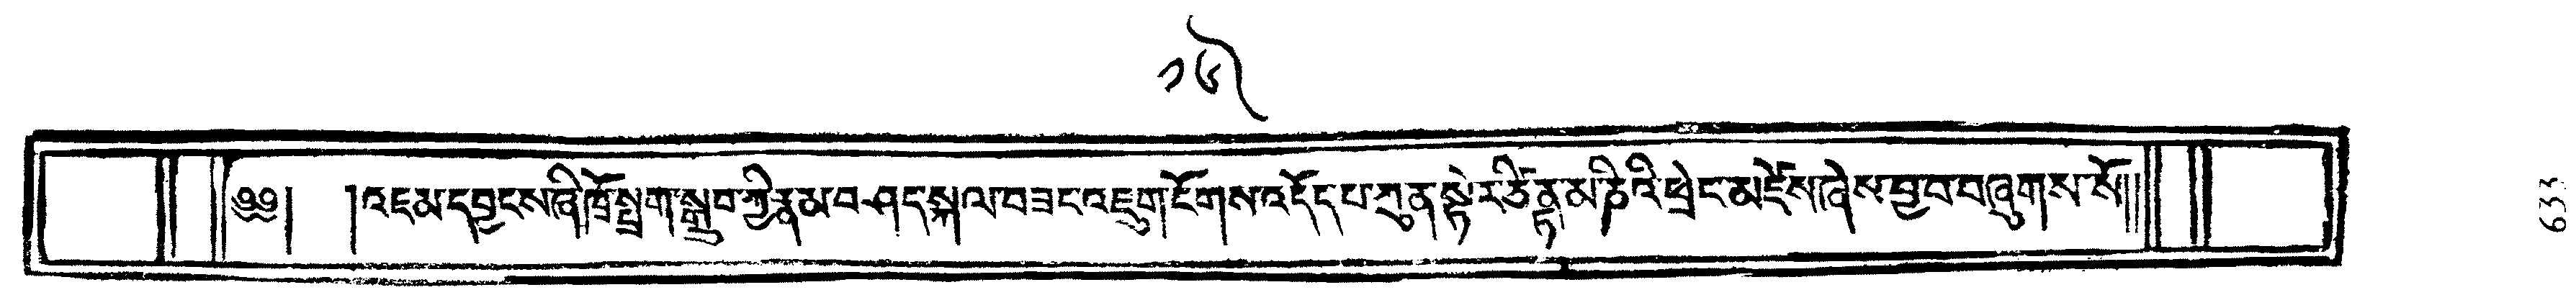༡༦?
༄༅། །འཇམ་དབྱངས་ཞི་ཁྲོ་སྦྲག་སྒྲུབ་ཀྱི་རྣམ་བཤད་སྐལ་བཟང་འཇུག་ངོགས་འདོད་པ་ཀུན་སྟེར་ཙིནྟ་མ་ཎིའི་ཕྲེང་མཛེས་ཞེས་བྱ་བ་བཞུགས་སོ།།